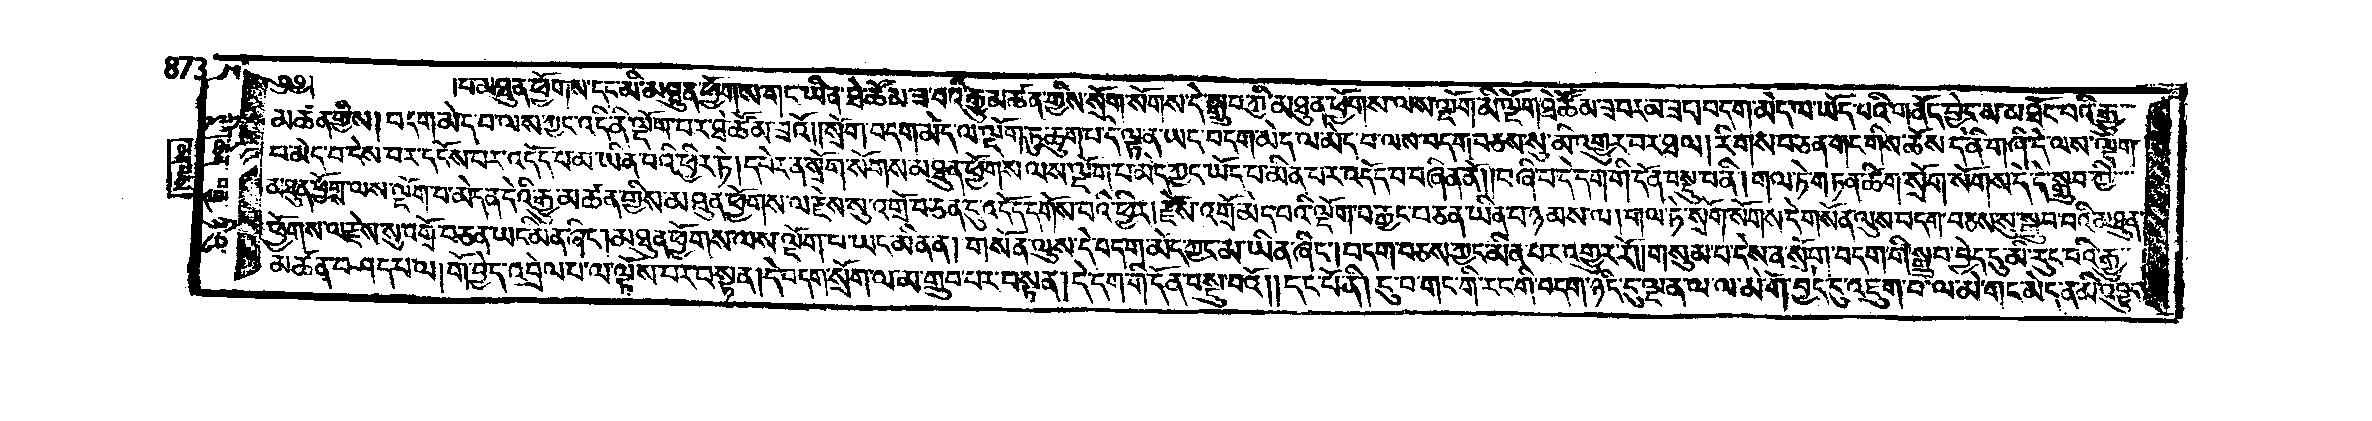༄༅། །པ་མཐུན་ཕྱོགས་དང་མི་མཐུན་ཕྱོགས་གང་ཡིན་ཐེ་ཚོམ་ཟ་བའི་རྒྱུ་མཚན་གྱིས་སྲོག་སོགས་དེ་སྒྲུབ་ཀྱི་མཐུན་ཕྱོགས་ལས་ལྡོག་མི་ལྡོག་ཐེ་ཚོམ་ཟ་བར་མ་ཟད། བདག་མེད་ལ་ཡོད་པའི་གནོད་བྱེད་མ་མཐོང་བའི་རྒྱུ་
མཚན་གྱིས། བདག་མེད་པ་ལས་ཀྱང་འདི་ནི་ལྡོག་པར་ཐེ་ཚོམ་ཟའོ། །སྲོག་བདག་མེད་ལ་ལྡོག་ཏུ་ཆུག་པ་དེ་ལྟ་ན་ཡང་བདག་མེད་ལ་མེད་པ་ལས་བདག་བཅས་སུ་མི་འགྱུར་བར་ཐལ། རིགས་པ་ཅན་གང་གིས་ཆོས་དེ་ནི་གཞི་དེ་ལས་ལྡོག་
པ་མེད་པ་ངེས་པར་དངོས་པར་འདོད་པ་མ་ཡིན་པའི་ཕྱིར་ཏེ། དཔེར་ན་སྲོག་སོགས་མཐུན་ཕྱོགས་ལས་ལྡོག་པ་མེད་ཀྱང་ཡོད་པ་མིན་པར་འདོད་པ་བཞིན་ནོ། །བཞི་བ་དེ་དག་གི་དོན་བསྡུ་བ་ནི། གལ་ཏེ་གཏན་ཚིག་སྲོག་སོགས་དེ་དེ་སྒྲུབ་ཀྱི་
མཐུན་ཕྱོགས་ལས་ལྡོག་པ་མེད་ན་དེའི་རྒྱུ་མཚན་གྱིས་མཐུན་ཕྱོགས་ལ་རྗེས་སུ་འགྲོ་བ་ཅན་དུ་འདོད་དགོས་པའི་ཕྱིར། རྗེས་འགྲོ་མེད་པའི་ལྡོག་པ་རྒྱང་བ་ཅན་ཡིན་པ་ཉམས་ལ། གལ་ཏེ་སྲོག་སོགས་དེ་གསོན་ལུས་བདག་བཅས་སུ་སྒྲུབ་པའི་མཐུན་
ཕྱོགས་ལ་རྗེས་སུ་འགྲོ་བ་ཅན་ཡང་མིན་ཞིང་། མཐུན་ཕྱོགས་ལས་ལྡོག་པ་ཡང་མིན་ན། གསོན་ལུས་དེ་བདག་མེད་ཀྱང་མ་ཡིན་ཞིང་། བདག་བཅས་ཀྱང་མིན་པར་འགྱུར་རོ། །གསུམ་པ་དེས་ན་སྲོག་བདག་གི་སྒྲུབ་བྱེད་དུ་མི་རུང་བའི་རྒྱུ་
མཚན་བཤད་པ་ལ། གོ་བྱེད་འབྲེལ་བ་ལ་ལྟོས་པར་བསྟན། དེ་བདག་སྲོག་ལ་མ་གྲུབ་པར་བསྟན། དེ་དག་གི་དོན་བསྡུ་བའོ། །དང་བོ་ནི། དུ་བ་གང་གི་རང་གི་བདག་ཉིད་དུ་ལྡན་ལ་ལ་མི་གོ་བྱེད་དུ་འཇུག་པ་ལ་མེ་གང་མེད་ན་མི་འབྱུང་